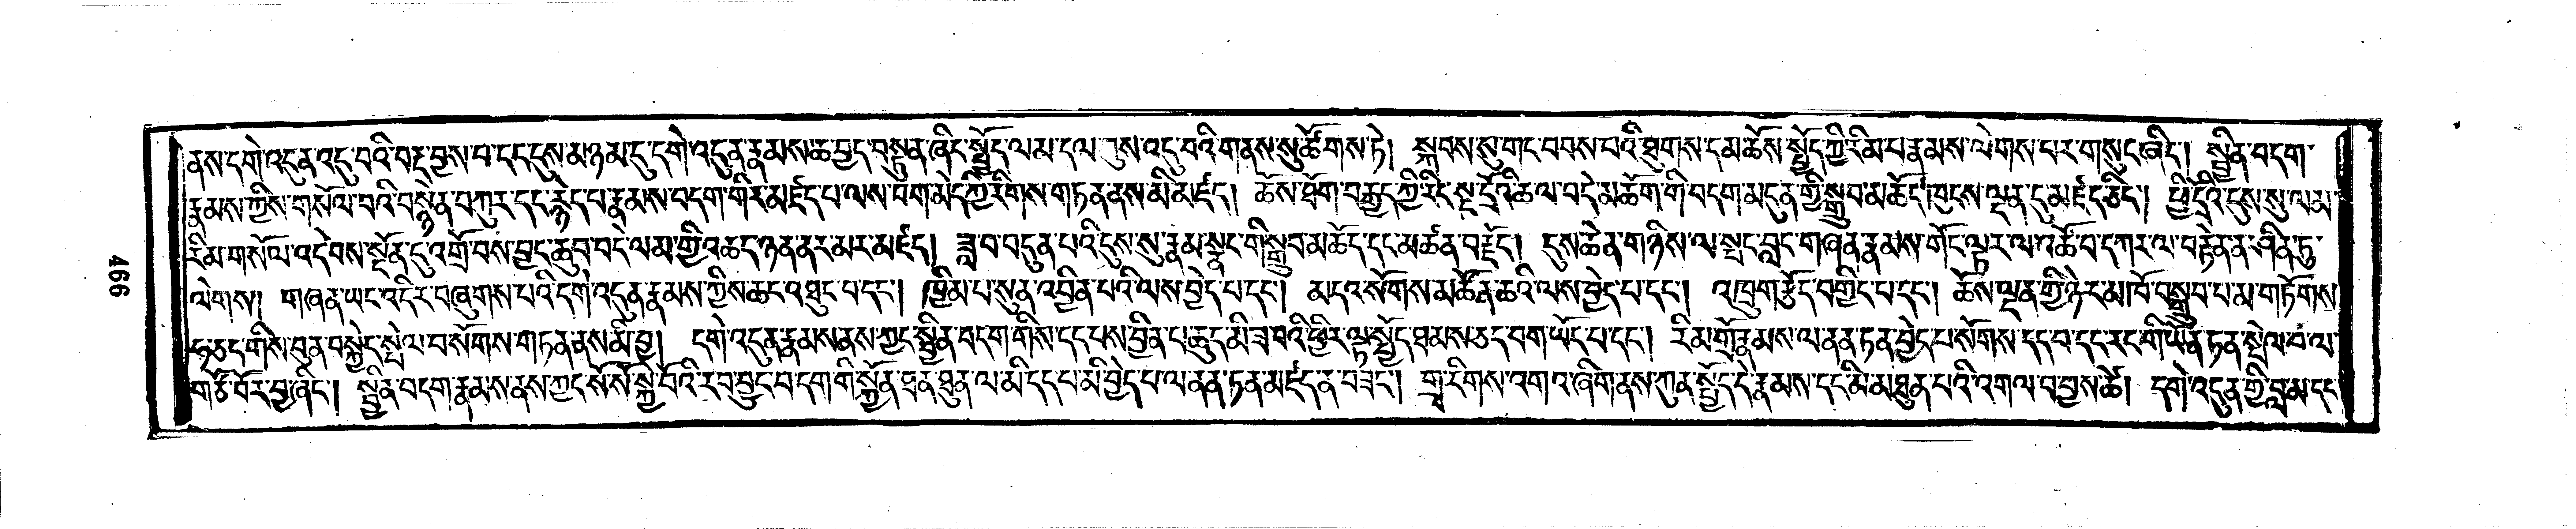ནས་དགེ་འདུན་འདུ་བའི་བརྡ་བྱས་བ་དང་དུས་མཉམ་དུ་དགེ་འདུན་རྣམས་ཆ་བྱད་བསྟུན་ཞིང་སྤྱོད་ལམ་དལ་བུས་འདུ་བའི་གནས་སུ་ཚོགས་ཏེ། སྐབས་སུ་གང་བབས་པའི་ཐུགས་དམ་ཆོས་སྤྱོད་ཀྱི་རིམ་པ་རྣམས་ལེགས་པར་གསུང་ཞིང་། སྦྱིན་བདག་
རྣམས་ཀྱིས་གསོལ་བའི་བསྙེན་བཀུར་དང་རྙེད་པ་རྣམས་བདག་གིར་མཛད་པ་ལས་བག་མེད་ཀྱི་རིགས་གཏན་ནས་མི་མཛད། ཆོས་ཐོག་བརྒྱད་ཀྱི་རིང་སྔ་དྲོའི་ཆལ་བདེ་མཆོག་གི་བདག་མདུན་གྱི་སྒྲུབ་མཆོད་ཁུངས་ལྡན་དུ་མཛད་ཅིང་། ཕྱི་དྲོའི་དུས་སུ་ལམ་
རིམ་གསོལ་འདེབས་སྔོན་དུ་འགྲོ་བས་བྱང་ཆུབ་བདེ་ལམ་གྱི་འཆད་ཉན་ནར་མར་མཛད། ཟླ་བ་བདུན་པའི་དུས་སུ་རྣམ་སྣང་གི་སྒྲུབ་མཆོད་དང་མཚན་བརྗོད། དུས་ཆེན་གཉིས་ལ་སྤང་བླང་གཞན་རྣམས་གོང་ལྟར་ལ་འཚོ་བ་དཀར་ལ་བརྟེན་ན་ཤིན་ཏུ་
ལེགས། གཞན་ཡང་འདིར་བཞུགས་པའི་དགེ་འདུན་རྣམས་ཀྱིས་ཆང་འཐུང་བ་དང་། ཁྱིམ་པ་སུན་འབྱིན་པའི་ལས་བྱེད་པ་དང་། མདའ་སོགས་མཚོན་ཆའི་ལས་བྱེད་པ་དང་། འཁྲུག་རྩོད་བགྱིད་པ་དང་། ཆོས་ལྡན་གྱི་ཉེར་མཁོ་བསྒྲུབ་པ་མ་གཏོགས་
ཧ་ཅང་གིས་བུན་བསྐྱེད་སྤེལ་བ་སོགས་གཏན་ནས་མི་བྱ། དགེ་འདུན་རྣམས་ནས་ཀྱང་སྦྱིན་བདག་གིས་དད་པས་བྱིན་པ་ཆུད་མི་ཟ་བའི་ཕྱིར་ལྟ་སྤྱོད་ཐམས་ཅད་བག་ཡོད་པ་དང་། རིམ་གྲོ་རྣམས་ལ་ནན་ཏན་བྱེད་པ་སོགས་དད་བ་དང་རང་གི་ཡོན་ཏན་སྤེལ་བ་ལ་
གཙོ་བོར་བྱ་ཞིང་། སྦྱིན་བདག་རྣམས་ནས་ཀྱང་སོ་སོ་སྐྱེ་བོའི་རབ་བྱུང་བ་དག་གི་སྐྱོན་ཐན་ཐུན་ལ་མི་དད་པ་མི་བྱེད་པ་ལ་ནན་ཏན་མཛད་ན་བཟང་། གྲྭ་རིགས་འགའ་ཞིག་ནས་ཀུན་སྤྱོད་དེ་རྣམས་དང་མི་མཐུན་པའི་འགལ་བ་བྱས་ཚེ། དགེ་འདུན་གྱི་བླ་མ་དང་